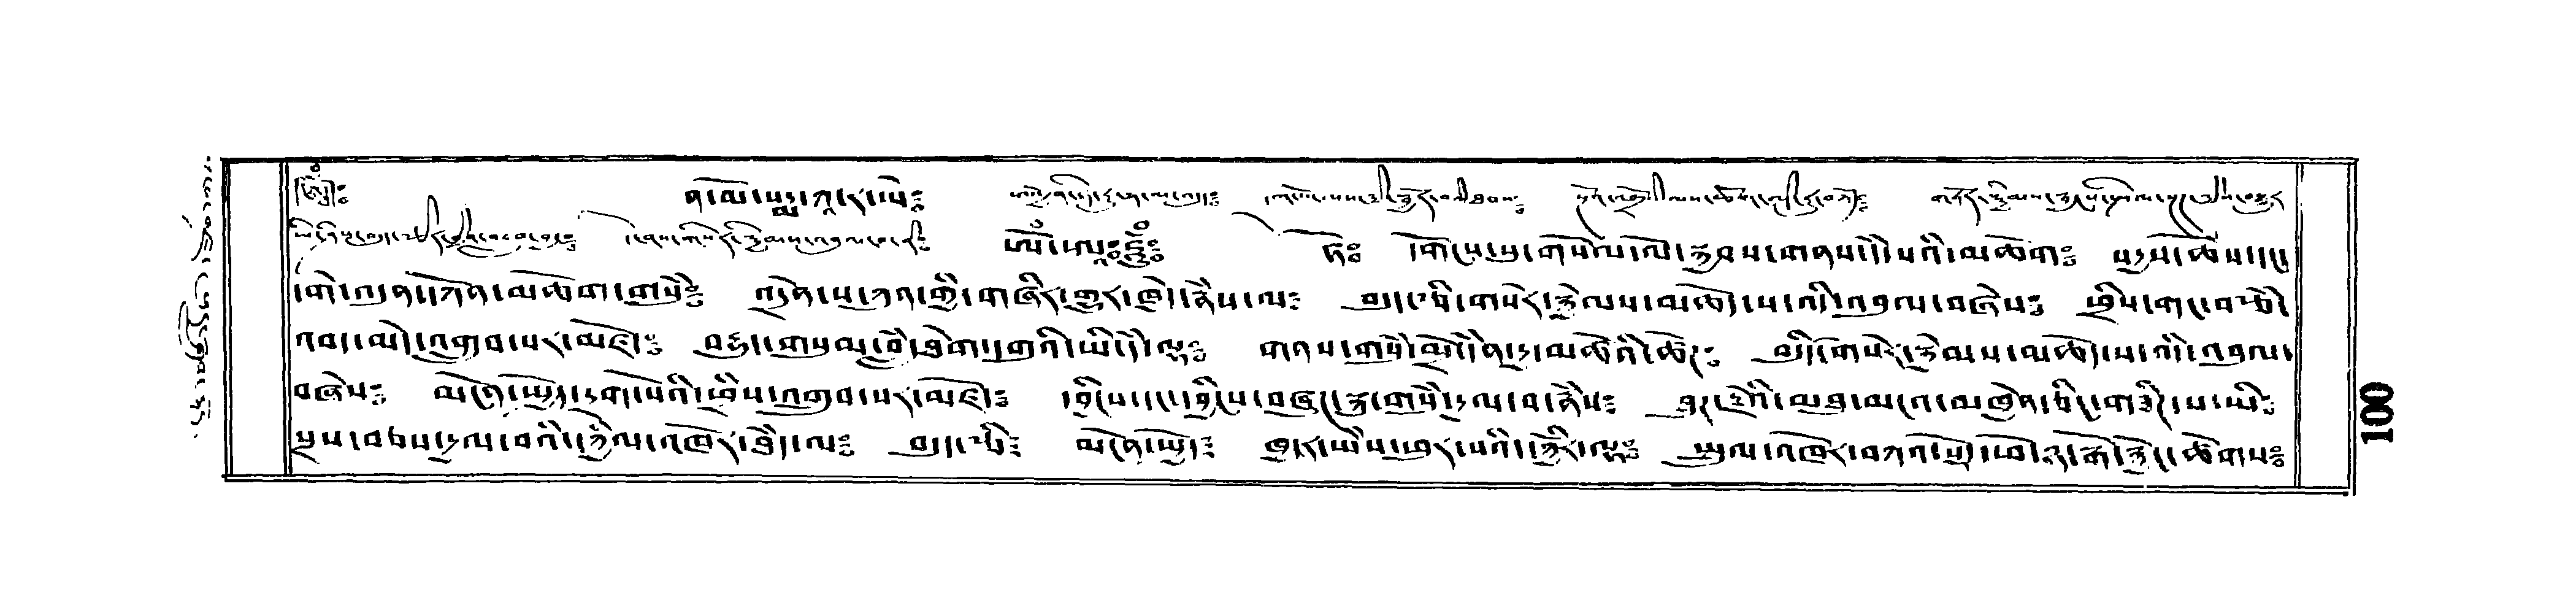ན་མོ་པདྨ་ཀཱ་ར་ཡེ༔ ཨོ་རྒྱན་ཧེ་རུ་ཀ་ལ་འདུད༔ དྲག་པོ་ལས་ཀྱི་སྦྱོར་བའི་ཐབས༔ སྔོན་འགྲོའི་ལས་ཆོག་འདི་རུ་བཀོད༔ གཏོར་སྐྱེམས་སྦྱངས་སྤེལ་སྔགས་ཀྱིས་བསྒྱུར༔ 
ཡེ་ཤེས་བདུད་རྩིར་བྱིན་བརླབ་བྱ༔ དེ་ནས་གསེར་སྐྱེམས་འབུལ་བ་ནི༔ ཨོཾ་ཨཱཿཧཱུྃ༔ ཧོཿ དགོངས་སུ་གསོལ་ལོ་སྐྱབས་གནས་དམ་པའི་མཆོག༔ སངས་རྒྱས་ཆོས་དང་
དགེ་འདུན་དཀོན་མཆོག་གསུམ༔ འདྲེན་པ་ཀུན་གྱི་གཞིར་གྱུར་ཁྱེད་རྣམས་ལ༔ བདུད་རྩི་གསེར་སྐྱེམས་མཆོད་པ་འདི་འབུལ་བཞེས༔ ཕྲིན་ལས་གང་བརྩམ་
འབད་མེད་འགྲུབ་པར་མཛོད༔ བརྒྱུད་གསུམ་བླ་མ་ཐེག་དགུའི་ཡི་དམ་ལྷ༔ གནས་གསུམ་མཁའ་འགྲོ་དམ་ཅན་རྒྱ་མཚོའི་ཚོགས༔ བདུད་རྩི་གསེར་སྐྱེམས་མཆོད་པ་འདི་འབུལ་
བཞེས༔ མངོན་སྤྱོད་དྲག་པོའི་ཕྲིན་ལས་འགྲུབ་པར་མཛོད༔ དབྱིངས་དང་དབྱིངས་བཞུགས་སྐུ་གསུམ་རྒྱལ་བ་རྣམས༔ ཐུགས་རྗེའི་མཐུ་མངའ་མཁྱེན་ཅིང་གཟིགས་པ་ཡི༔ 
སྲས་བཅས་རྒྱལ་བའི་དཀྱིལ་འཁོར་ཐམས་ཅད་ལ༔ བདུད་རྩི༴ མངོན་སྤྱོད༴ ཁྱད་པར་ཡེ་ཤེས་ཕུར་པའི་དཀྱིལ་འཁོར་ལྷ༔ སྤྲུལ་འཁོར་བཀའ་སྡོད་ཕོ་ཉ་སྒོ་སྐྱོང་ཚོགས༔